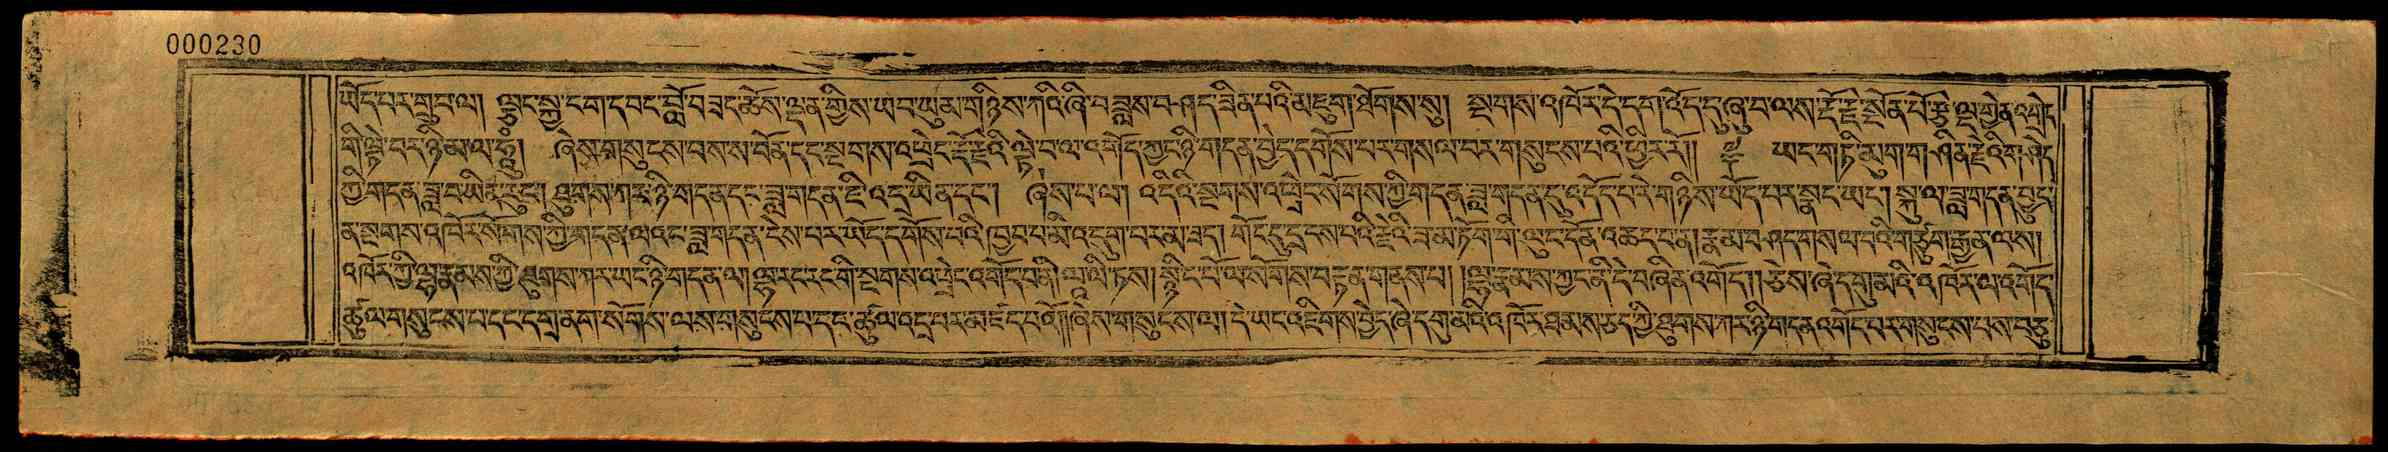ཡོད་པར་གྲུབ་ལ། ལྕང་སྐྱ་ངག་དབང་བློ་བཟང་ཆོས་ལྡན་གྱིས་ཡབ་ཡུམ་གཉིས་ཀའི་ཞི་བཟླས་བཤད་ཟིན་པའི་མཇུག་ཐོགས་སུ། སྔགས་འཁོར་དེ་དག་འོད་དུ་ཞུ་བ་ལས་རྡོ་རྗེ་སྔོན་པོ་རྩེ་ལྔ་གྱེན་འགྲེང་
གི་ལྟེ་བར་ཉི་མ་ལ་ཧཱུཾ། ཞེས་གསུངས་པས་ས་བོན་དང་སྔགས་འཕྲེང་རྡོ་རྗེའི་ལྟེ་བ་ལ་འགོད་ཀྱང་ཉི་གདན་བྱེད་དགོས་པར་གསལ་བར་གསུངས་པའི་ཕྱིར་རོ།། ༈ ཡང་གཏི་མུག་གཤིན་རྗེའི་གཤེད་
ཀྱི་གདན་ཟླ་བ་ཡིན་རུང་། ཐུགས་ཀར་ཉི་གདན་དང་ཟླ་གདན་ཇི་འདྲ་ཡིན་དང་། ཞེས་པ་ལ། འདིའི་སྔགས་འཕྲེང་སོགས་ཀྱི་གདན་ཟླ་གདན་དུ་འདོད་པར་གཉིས་ཡོད་པར་སྣང་ཡང་། སྐུ་ལ་ཟླ་གདན་བྱུང་
ན་སྔགས་འཁོར་སོགས་ཀྱི་གདན་ལའང་ཟླ་གདན་ངེས་པར་ཡོད་དགོས་པའི་ཁྱབ་པ་མི་འདུག་པར་མ་ཟད། གོང་དུ་དྲངས་པའི་རྗེའི་ཟ་མ་ཏོག་གི་ལུང་དོན་འཆད་པ་ན། རྣམ་བཤད་གསལ་བའི་གཙུག་རྒྱན་ལས།
འཁོར་གྱི་ལྷ་རྣམས་ཀྱི་ཐུགས་ཀར་ཡང་ཉི་གདན་ལ། ལྷ་རང་རང་གི་སྔགས་འཕྲེང་འགོད་པ་ནི། ལཱ་ལི་ཏས། སྙིང་པོ་ལ་སོགས་བརྟན་གནས་པ། །ལྷ་རྣམས་ཀྱང་ནི་དེ་བཞིན་འགོད། །ཅེས་ཞེ་དགུ་མའི་འཁོར་ལ་འགོད་
ཚུལ་གསུངས་པ་དང་དགྲ་ནག་སོགས་ལས་གསུངས་པ་དང་ཚུལ་འདྲ་བར་མཛད་པའོ། །ཞེས་གསུངས་ལ། དེ་ཡང་འཇིགས་བྱེད་ཞེ་དགུ་མའི་འཁོར་ཐམས་ཅད་ཀྱི་ཐུགས་ཀར་ཉི་གདན་འགོད་པར་གསུངས་པས་བཅུ་